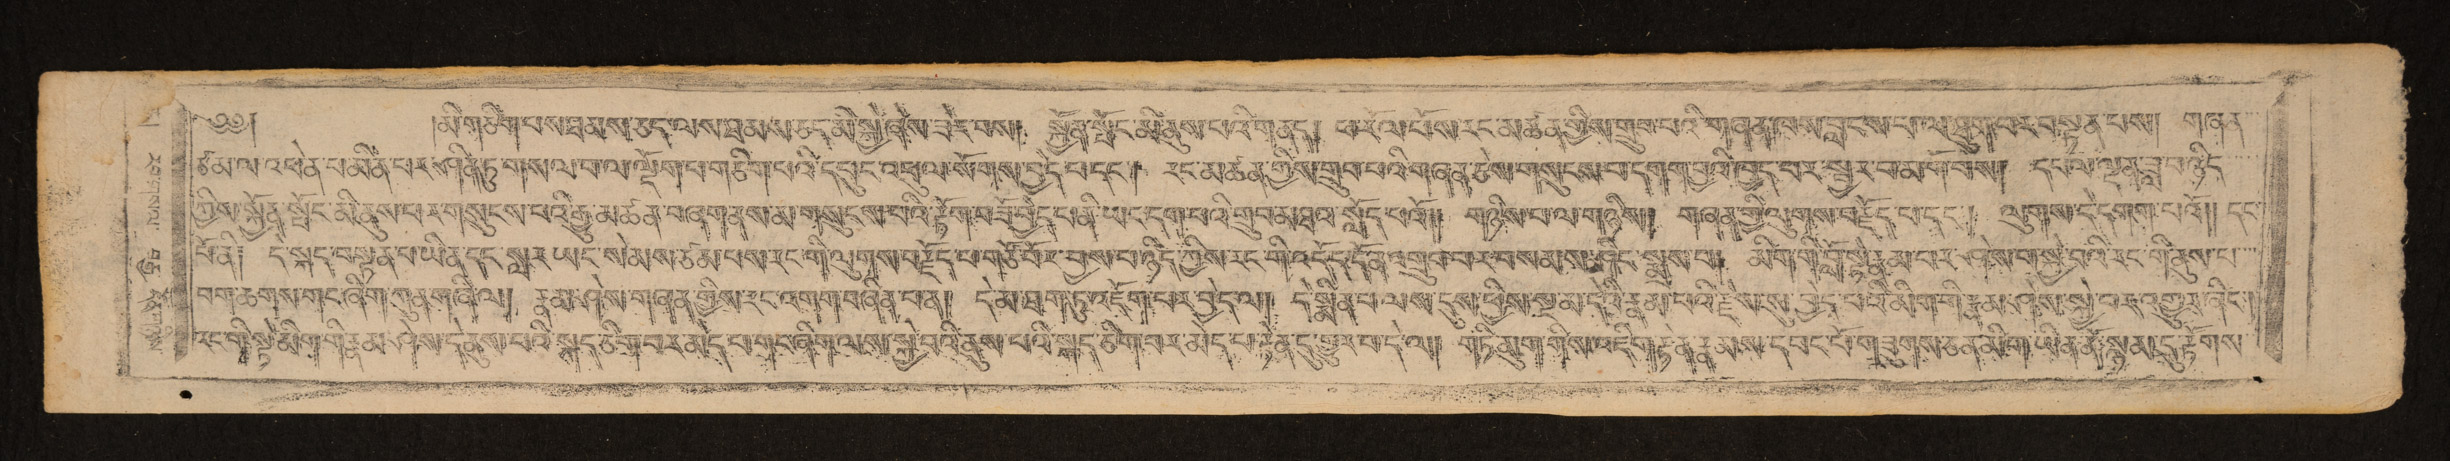༄༅། །མི་གཅིག་པས་ཐམས་ཅད་ལས་ཐམས་ཅད་མི་སྐྱེ་ཞེས་ཟེར་བས། སྐྱོན་སྤོང་མི་ནུས་པའི་གནད། ཕ་རོལ་པོས་རང་མཚན་གྱིས་གྲུབ་པའི་གཞན་ཁས་བླངས་པ་ལ་ཐུག་པར་བསྟན་པས། གཞན་
ཙམ་ལ་འཕེན་པ་མིན་པར་ཤིན་ཏུ་གསལ་བ་ལ་ལྡོག་པ་གཅིག་པའི་དཔུང་འཕུལ་སོགས་བྱེད་པ་དང་། རང་མཚན་གྱིས་གྲུབ་པའི་གཞན་ཅེས་གསུངས་པ་དགག་བྱའི་ཁྱད་པར་སྦྱར་བ་མ་གོ་བས། དཔལ་ལྡན་ཟླ་བ་ཉིད་
ཀྱིས་སྐྱོན་སྤོང་མི་ནུས་པར་གསུངས་པའི་རྒྱུ་མཚན་བཞག་ནས་མ་གསུངས་པའི་རྟོག་བཟོ་བྱེད་པ་ནི་ཡང་དག་པའི་གྲུབ་མཐའ་སློད་པའོ།། གཉིས་པ་ལ་གཉིས། གཞན་གྱི་ལུགས་བརྗོད་པ་དང་། ལུགས་དེ་དགག་པའོ།། དང་
པོ་ནི༑ དེ་སྐད་བསྟན་པ་ཡིན་དང་སླར་ཡང་སེམས་ཙམ་པས་རང་གི་ལུགས་བརྗོད་པ་གཙོ་བོར་བྱས་པ་ཉིད་ཀྱིས་རང་གི་འདོད་དོན་འགྲུབ་པར་བསམས་ཤིང་སྨྲས་པ། མིག་གི་བློ་སྟེ་རྣམ་པར་ཤེས་པ་སྐྱེ་བའི་རང་གི་ནུས་པ་
བག་ཆགས་གང་ཞིག་ཀུན་གཞི་ལ། རྣམ་ཤེས་གཞན་གྱིས་རང་འགག་བཞིན་པ་ན། དེ་མ་ཐག་ཏུ་འཇོག་པར་བྱེད་ལ། དེ་སྨིན་པ་ལས་དུས་ཕྱིས་སྔ་མ་དེའི་རྣམ་པའི་རྗེས་སུ་བྱེད་པའི་མིག་གི་རྣམ་ཤེས་སྐྱེ་བར་འགྱུར་ཞིང་།
རང་གི་སྟེ་མིག་གི་རྣམ་ཤེས་དེ་ནུས་པའི་སྐད་ཅིག་བར་མེད་པ་གང་ཞིག་ལས་སྐྱེ་བའི་ནུས་པའི་སྐད་ཅིག་པར་མེད་པ་རྟེན་དུ་གྱུར་པ་དེ་ལ། གཏི་མུག་གིས་འཇིག་རྟེན་རྣམས་དབང་པོ་གཟུགས་ཅན་མིག་ཡིན་ནོ་སྙམ་དུ་རྟོགས་